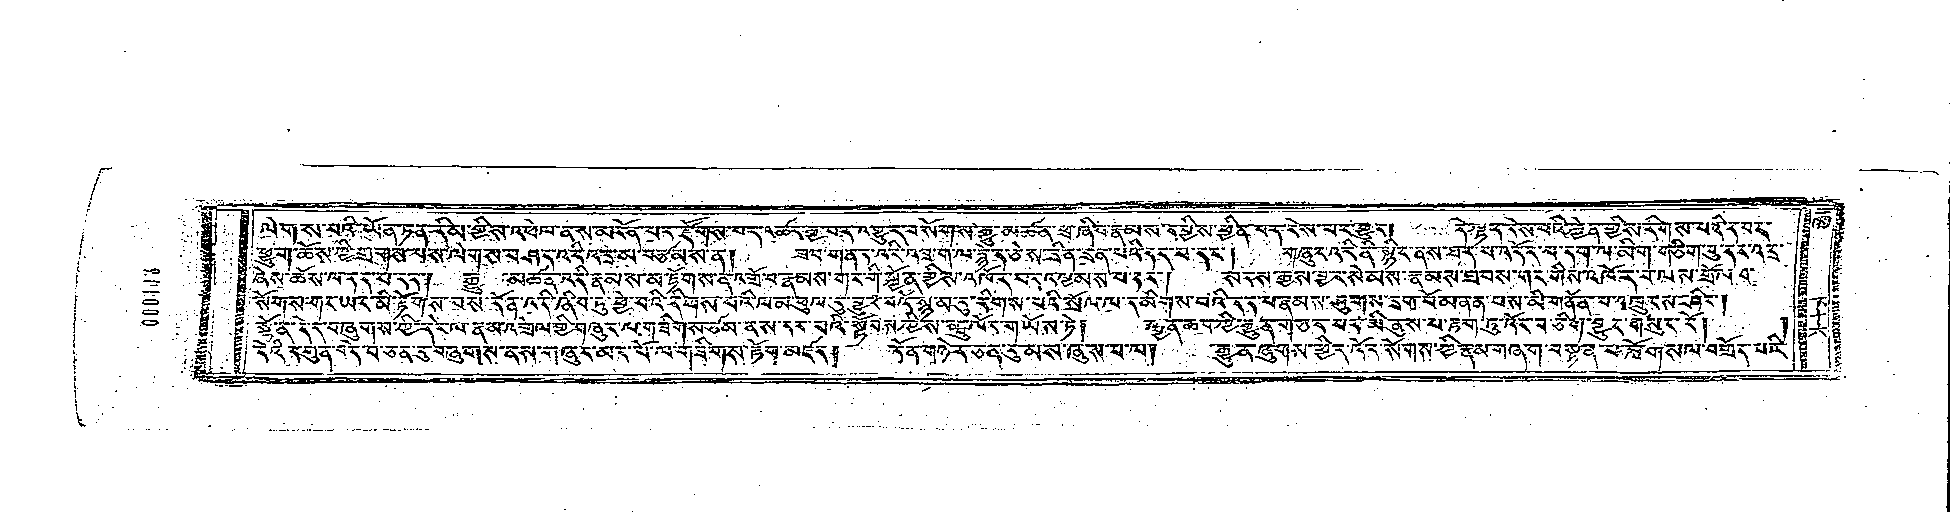ལེགས་པའི་ཡོན་ཏན་རིམ་གྱིས་འཕེལ་ནས་མངོན་པར་རྫོགས་པར་འཚར་རྒྱ་བར་འགྱུར་བ་སོགས་རྒྱུ་མཚན་ཕྲ་ཞིབ་རྣམས་དཔྱིས་ཕྱིན་པར་ངེས་པར་གྱུར། དེ་ལྟར་ངེས་པའི་རྐྱེན་གྱིས་རིགས་པའི་དབང་
ཕྱུག་ཆོས་ཀྱི་གྲགས་པས་ལེགས་བཤད་འདི་འདྲ་མ་བརྩམས་ན། ཟབ་གནད་འདི་འདྲག་ལ་རྙེད་ཅེས་དྲིན་དྲན་པའི་དད་པ་དང་། གཞུང་འདི་ནི་སྙིང་ནས་ཐར་པ་འདོད་པ་དག་ལ་མིག་གཅིག་བུ་དང་འདྲ་
ཞེས་ཆོས་ལ་དད་པ་དང་། རྒྱུ་མཚན་འདི་རྣམས་མ་རྟོགས་ན་འགྲོ་བ་རྣམས་གང་གི་སྐྱོན་གྱིས་འཁོར་བར་འཁྱམས་པ་དང་། སངས་རྒྱས་བྱང་སེམས་རྣམས་ཐབས་གང་གིས་འཁོར་བ་ལས་གྲོལ་བ་
སོགས་གང་ཡང་མི་རྟོགས་པས་དོན་འདི་ཞིབ་ཏུ་ཕྱེ་བའི་རིགས་པའི་ལམ་ཕུལ་དུ་བྱུང་བའོ་སྙམ་དུ་རིགས་པའི་སྲོལ་ལ་དམིགས་བའི་དད་པ་རྣམས་ཤུགས་དྲག་པོ་མནན་པས་མི་གནོན་པ་འཁྲུངས་ཤིང་།
སྟོན་དེད་བཞུགས་ཀྱི་རེང་ལ་རྣམ་འགྲེལ་གྱི་གཞུང་ལ་གཟིགས་ཙམ་ནས་དང་པའི་སྟོབས་ཀིས་སྤུ་ལོང་གཡོས་ཏེ། སྤྱན་ཆབ་ཀྱི་རྒྱུན་གཙང་པར་མི་ནུས་པ་རྟག་ཏུ་འོང་བ་ཅིག་བྱུང་གསུང་ངོ། །
དེའི་དགུན་བདེ་བ་ཅན་དུ་བཞུགས་ནས་གཞུང་མང་པོ་ལ་གཟིགས་རྟོག་མཛད། དོན་གཉེར་ཅན་དུ་མས་ཞུས་པ་ལ། རྒྱུན་ཞུགས་ཕྱིར་འོང་སོགས་ཀྱི་རྣམ་གཞག་བསྟན་པ་བློ་གསལ་བགྲོད་པའི་